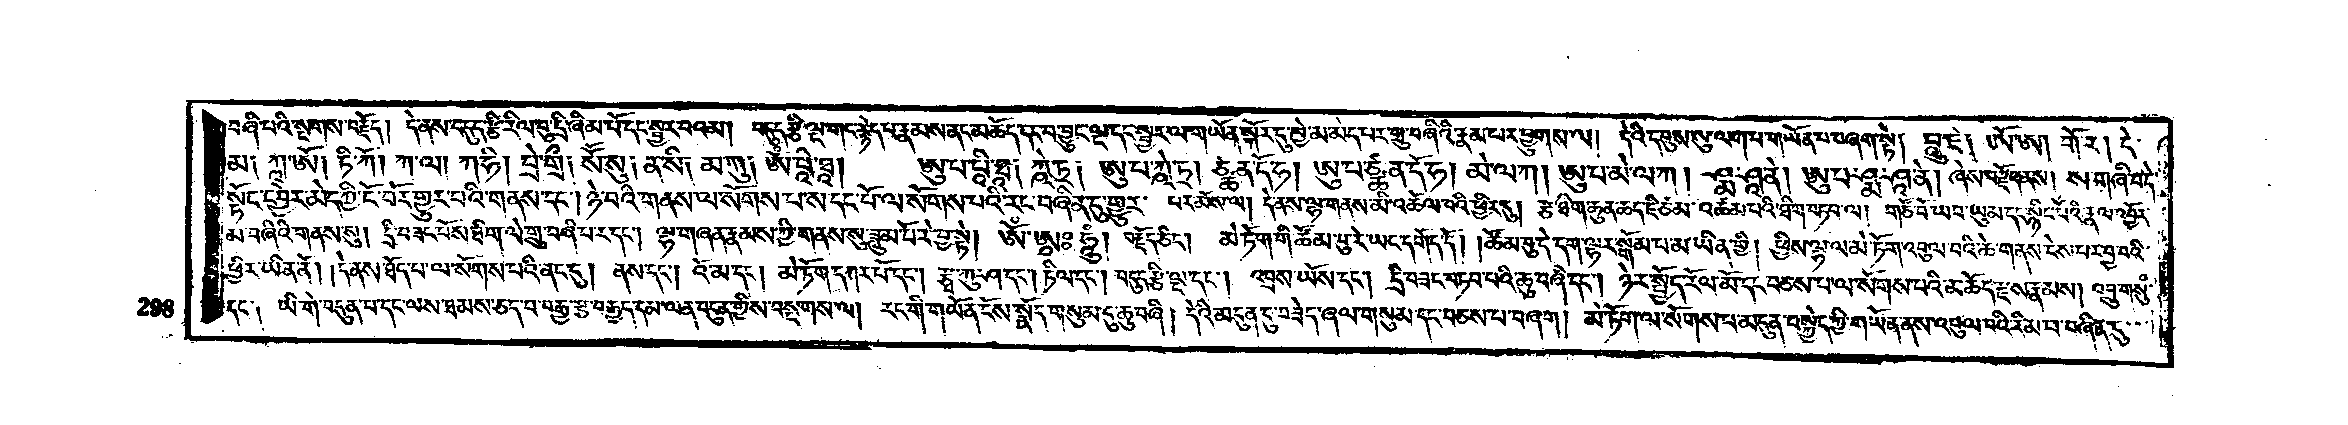བཞི་པའི་སྔགས་བརྗོད། དེ་ནས་བདུད་རྩི་རིལ་བུ་དྲི་ཞིམ་པོ་དང་སྦྱར་བའམ། བདུད་རྩི་ལྔ་གང་རྙེད་པ་རྣམས་ནང་མཆོད་དང་བ་བྱུང་ལྔ་དང་སྦྱར་ལ་གཡོན་སྐོར་དུ་ཁྱེ་མ་མེད་པར་གྲུ་བཞིའི་རྣམ་པར་བྱུགས་ལ། དེའི་དབུས་སུ་ལག་པ་གཡོན་པ་བཞག་སྟེ། པཱུ་ཛེ། ཨོ་ཨ། གོ་ར། དེ་
མ། ཀཱ་ཨོ། ཏཱི་ཀོ། ཀ་ལ། ཀ་ཧི། པྲེ་གྲྀ། སོཾ་སུ། ན་སི། མ་ཀུ། ཨོཾ་པཱི་ཐཱ། ཨུ་པ་པཱི་ཐཱ། ཀྵེ་ཏྲ། ཨུ་པ་ཀྵེ་ཏྲ། ཙྪན་དོ་ཧ། ཨུ་པ་ཙྪན་དོ་ཧ། མེ་ལ་ཀ། ཨུ་པ་མེ་ལ་ཀ། ཤྨ་ཤཱ་ནེ། ཨུ་པ་ཤྨ་ཤཱ་ནེ། ཞེས་བརྗོད་ནས།  ས་གཞི་བདེ་
སྟོང་དབྱེར་མེད་ཀྱི་ངོ་བོར་གྱུར་པའི་གནས་དང་། ཉེ་བའི་གནས་ལ་སོགས་པ་ས་དང་པོ་ལ་སོགས་པའི་རང་བཞིན་དུ་གྱུར་པར་མོས་ལ། དེ་ནས་ལྷ་གནས་མི་འཆོལ་བའི་ཕྱིར་དུ། རྩ་ཐིག་ཚུན་ཆད་ཇི་ཙམ་འཚམ་པའི་ཐིག་བཏབ་ལ། གཙོ་བོ་ཡབ་ཡུམ་དང་སྙིང་པོའི་རྣལ་འབྱོར་
མ་བཞིའི་གནས་སུ། དྲི་བཟང་པོས་ཐག་ལེ་གྲུ་བཞི་པར་དང་། ལྷ་གཞན་རྣམས་ཀྱི་གནས་སུ་ཟླུམ་པོ་རེ་བྱ་སྟེ། ཨོཾ་ཨཱཿ ཧཱུཾ། བརྗོད་ཅིང་།  མ་ཏོག་གི་ཚོམ་བུ་རེ་ཡང་དགོད་དོ། །ཚོམ་བུ་དེ་དག་ལྷར་སྒོམ་པ་མ་ཡིན་གྱི། ཕྱིས་ལྷ་ལ་མེ་ཏོག་འབུལ་བའི་ཆེ་གནས་ངེས་པར་བྱ་བའི་
ཕྱིར་ཡིན་ནོ། །དེ་ནས་ཐོད་པ་ལ་སོགས་པའི་ནང་དུ། ནས་དང་། འོ་མ་དང་། མེ་ཏོག་དཀར་པོ་དང་། རྩྭ་ཀུ་ཤ་དང་། ཏིལ་དང་། བདུད་རྩི་ལྔ་དང་། འབྲས་ཡོས་དང་། དྲི་བཟང་བཏབ་པའི་ཆུ་བཞི་དང་། ཉེར་སྤྱོད་རོལ་མོ་དང་བཅས་པ་ལ་སོགས་པའི་མཆོད་རྫས་རྣམས། འབྲུ་གསུམ་
དང་། ཡིག་བདུན་པ་དང་ལས་ཐམས་ཅད་པ་བརྒྱ་རྩ་བརྒྱད་དམ་ལན་བདུན་གྱིས་བསྔགས་ལ། རང་གི་གཡོན་ངས་སྣོད་གསུམ་དུ་ཆུ་བཞི། དེའི་མདུན་དུ་བཟེད་ཞལ་གསུམ་དང་བཅས་པ་བཞག །མེ་ཏོག་ལ་སོགས་པ་མདུན་བསྐྱེད་ཀྱི་གཡོན་ནས་འབུལ་བའི་རིམ་པ་བཞིན་དུ་